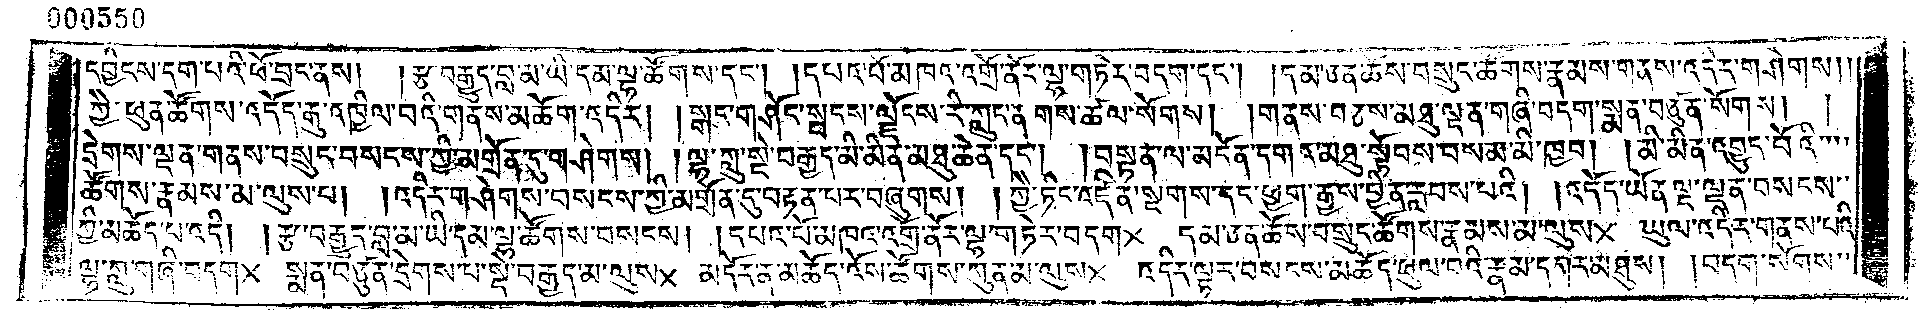དབྱིངས་དག་པའི་ཕོ་བྲང་ནས། །རྩ་བརྒྱུད་བླ་མ་ཡི་དམ་ལྷ་ཚོགས་དང་། །དཔའ་བོ་མཁའ་འགྲོ་ནོར་ལྷ་གཏེར་བདག་དང་། །དམ་ཅན་ཆོས་བསྲུང་ཚོགས་རྣམས་གནས་འདིར་གཤེགས། ། ཀྱཻ་ཕུན་ཚོགས་འདོད་རྒུ་འཁྱིལ་བའི་གནས་མཆོག་འདིར། །སྒང་གཤོང་སྦངས་ལྗོངས་རི་ཀླུང་ནགས་ཚལ་སོགས། །གནས་བཅས་མཐུ་ལྡན་གཞི་བདག་སྨན་བཙུན་སོགས། །
དྲེགས་ལྡན་གནས་བསྲུང་བསངས་ཀྱི་མགྲོན་དུ་གཤེགས། །ལྷ་ཀླུ་སྡེ་བརྒྱད་མི་མིན་མཐུ་ཆེན་དང་། །བསྟན་ལ་མངོན་དགའ་མཐུ་སྟོབས་བསམ་མི་ཁྱབ། །མི་མིན་འབྱུང་པོའི་
ཚོགས་རྣམས་མ་ལུས་པ། །འདིར་གཤེགས་བསངས་ཀྱི་མགྲོན་དུ་བརྟན་པར་བཞུགས། །ཀྱཻ་ཏིང་འཛིན་སྔགས་དང་ཕྱག་རྒྱས་བྱིན་རླབས་པའི། །འདོད་ཡོན་ལྔ་ལྡན་བསངས་
ཀྱི་མཆོད་པ་འདི། །རྩ་བརྒྱུད་བླ་མ་ཡི་དམ་ལྷ་ཚོགས་བསངས། །དཔའ་པོ་མཁའ་འགྲོ་ནོར་ལྷ་གཏེར་བདག྾་དམ་ཅན་ཆོས་བསྲུང་ཚོགས་རྣམས་མ་ལུས྾་ཡུལ་འདིར་གནས་པའི་
ལྷ་ཀླུ་གཞི་བདག྾་སྨན་བཙུན་དྲེགས་པ་སྡེ་བརྒྱད་མ་ལུས྾་མདོར་ན་མཆོད་འོས་ཚོགས་ཀུན་མ་ལུས྾་འདིར་ལྟར་བསངས་མཆོད་ཕུལ་བའི་རྣམ་དཀར་མཐུས། །བདག་སོགས་